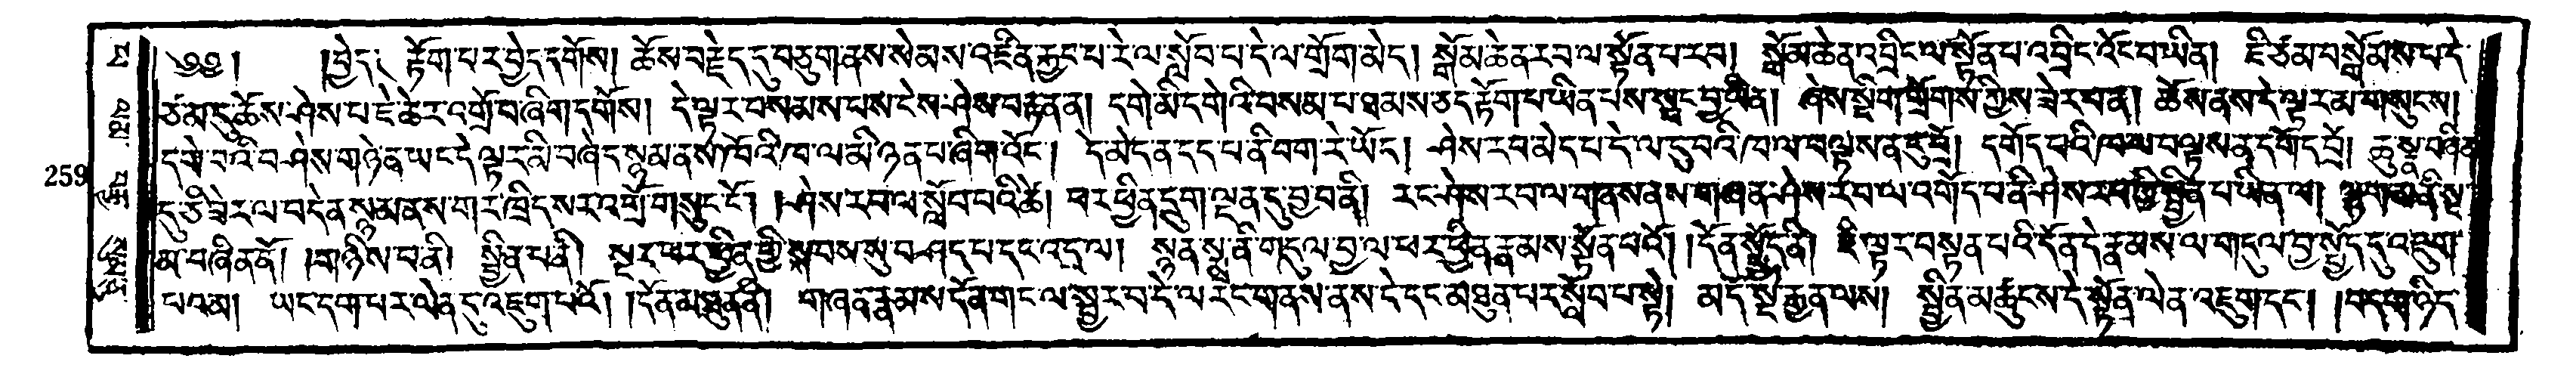༄༅། །བྱེད༑ རྟོག་པར་བྱེད་དགོས། ཆོས་བརྗེད་དུ་བཅུག་ནས་སེམས་འཛིན་རྐྱང་པ་རེ་ལ་སློབ་པ་དེ་ལ་གྲོག་མེད། སྒོམ་ཆེན་རབ་ལ་སྟོན་པ་རབ། སྒོམ་ཆེན་འབྲིང་ལ་སྟོན་པ་འབྲིང་འོང་བ་ཡིན། ཇི་ཙམ་བསྒོམས་པ་དེ་
ཙམ་དུ་ཆོས་ཤེས་པ་ཇེ་ཆེར་འགྲོ་བ་ཞིག་དགོས། དེ་ལྟར་བསམས་པས་ངེས་ཤེས་བརྟན་ན། དགེ་མི་དགེའི་བསམ་པ་ཐམས་ཅད་རྟོག་པ་ཡིན་པས་སྦང་བྱ་ཡིན། ཞེས་སྡིག་གྲོགས་ཀྱིས་ཟེར་བ་ན། ཆོས་ནས་དེ་ལྟར་མ་གསུངས།
དགེ་བའི་བཤེས་གཉེན་ཡང་དེ་ལྟར་མི་བཞེད་སྙམ་ནས་ཁོའི་ཁ་ལ་མི་ཉན་པ་ཞིག་འོང་། དེ་མེད་ན་དད་པ་ནི་བག་རེ་ཡོད། ཤེས་རབ་མེད་པ་དེ་ལ་དུ་བའི་ཁ་ལ་བལྟས་ན་དུ་བྲོ། དགོད་པའི་ཁ་ལ་བལྟས་ན་དགོད་བྲོ། ཆུ་སྣ་བཞིན་
དུ་ཅི་ཟེར་ལ་བདེན་སྙམ་ནས་གར་ཁྲིད་སར་འགྲོ་གསུང་ངོ། །ཤེས་རབ་ལ་སློབ་པའི་ཚེ། ཕར་ཕྱིན་དྲུག་ལྡན་དུ་བྱ་བ་ནི། རང་ཤེས་རབ་ལ་གནས་ནས་གཞན་ཤེས་རབ་ལ་འགོད་པ་ནི་ཤེས་རབ་ཀྱི་སྦྱིན་པ་ཡིན་ལ། ལྷག་མ་ནི་སྔ་
མ་བཞིན་ནོ། །གཉིས་པ་ནི། སྦྱིན་པ་ནི། སྔར་ཕར་ཕྱིན་གྱི་སྐབས་སུ་བཤད་པ་དང་འདྲ་ལ། སྙན་སྨྲ་ནི་གདུལ་བྱ་ལ་ཕར་ཕྱིན་རྣམས་སྟོན་པའོ། །དོན་སྤྱོད་ནི། ཇི་ལྟར་བསྟན་པའི་དོན་དེ་རྣམས་ལ་གདུལ་བྱ་སྤྱོད་དུ་འཇུག་
པའམ། ཡང་དག་པར་ལེན་དུ་འཇུག་པའོ། །དོན་མཐུན་ནི། གཞན་རྣམས་དོན་གང་ལ་སྦྱར་བ་དེ་ལ་རིང་གནས་ནས་དེ་དང་མཐུན་པར་སློབ་པ་སྟེ། མདོ་སྡེ་རྒྱན་ལས། སྤྱིན་མཚུངས་དེ་སྟོན་ལེན་འཇུག་དང་། །བདག་ཉིད་